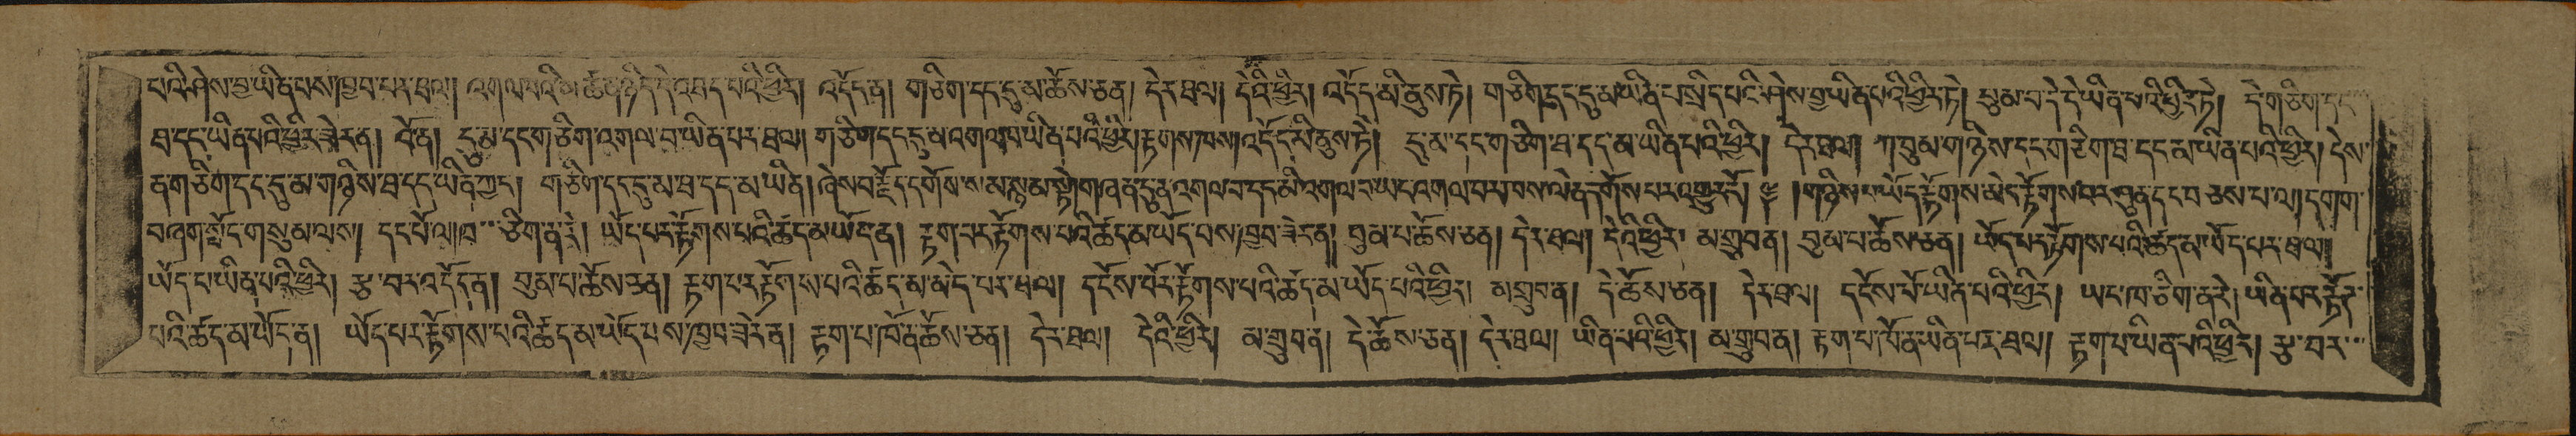པའི་ཤེས་བྱ་ཡིན་པས་ཁྱབ་པར་ཐལ། འགལ་བའི་མཚན་ཉིད་དེ་འཐད་པའི་ཕྱིར། འདོད་ན། གཅིག་དང་དུ་མ་ཆོས་ཅན། དེར་ཐལ། དེའི་ཕྱིར། འདོད་མི་ནུས་ཏེ། གཅིག་དང་དུ་མ་ཡིན་པ་སྲིད་པའི་ཤེས་བྱ་ཡིན་པའི་ཕྱིར་ཏེ། བུམ་པ་དེ་དེ་ཡིན་པའི་ཕྱིར་ཏེ། དེ་གཅིག་དང་
ཐ་དད་ཡིན་པའི་ཕྱིར་ཟེར་ན། འོ་ན། དུ་མ་དང་གཅིག་འགལ་བ་ཡིན་པར་ཐལ། གཅིག་དང་དུ་མ་འགལ་བ་ཡིན་པའི་ཕྱིར། རྟགས་ཁས། འདོད་མི་ནུས་ཏེ། དུ་མ་དང་གཅིག་ཐ་དད་མ་ཡིན་པའི་ཕྱིར། དེར་ཐལ། ཀ་བུམ་གཉིས་དང་གཅིག་ཐ་དད་མ་ཡིན་པའི་ཕྱིར། དེས་
ན་གཅིག་དང་དུ་མ་གཉིས་ཐ་དད་ཡིན་ཀྱང་། གཅིག་དང་དུ་མ་ཐ་དད་མ་ཡིན། ཞེས་བརྗོད་དགོས་སམ་སྙམ་སྟེ། གཞན་དུ་ན་འགལ་བ་དང་མི་འགལ་བ་ཡང་འགལ་བར་ཁས་ལེན་དགོས་པར་འགྱུར་རོ། ༈ །གཉིས་པ་ཡོད་རྟོགས་མེད་རྟོགས་བར་ཤུན་དང་བཅས་པ་ལ། དགག་
བཞག་སྤོང་གསུམ་ལས། དང་པོ་ལ། ཁ་ཅིག་ན་རེ། ཡོད་པར་རྟོགས་པའི་ཚད་མ་ཡོད་ན། རྟག་པར་རྟོགས་པའི་ཚད་མ་ཡོད་པས་ཁྱབ་ཟེར་ན། བུམ་པ་ཆོས་ཅན། དེར་ཐལ། དེའི་ཕྱིར། མ་གྲུབ་ན། བུམ་པ་ཆོས་ཅན། ཡོད་པར་རྟོགས་པའི་ཚད་མ་ཡོད་པར་ཐལ།
ཡོད་པ་ཡིན་པའི་ཕྱིར། རྩ་བར་འདོད་ན། བུམ་པ་ཆོས་ཅན། རྟག་པར་རྟོགས་པའི་ཚད་མ་མེད་པར་ཐལ། དངོས་པོར་རྟོགས་པའི་ཚད་མ་ཡོད་པའི་ཕྱིར། མ་གྲུབ་ན། དེ་ཆོས་ཅན། དེར་ཐལ། དངོས་པོ་ཡིན་པའི་ཕྱིར། ཡང་ཁ་ཅིག་ན་རེ། ཡིན་པར་རྟོགས་
པའི་ཚད་མ་ཡོད་ན། ཡོད་པར་རྟོགས་པའི་ཚད་མ་ཡོད་པས་ཁྱབ་ཟེར་ན། རྟག་པ་ཁོ་ན་ཆོས་ཅན། དེར་ཐལ། དེའི་ཕྱིར། མ་གྲུབ་ན། དེ་ཆོས་ཅན། དེར་ཐལ། ཡིན་པའི་ཕྱིར། མ་གྲུབ་ན། རྟག་པ་ཁོ་ན་ཡིན་པར་ཐལ། རྟག་པ་ཡིན་པའི་ཕྱིར། རྩ་བར་